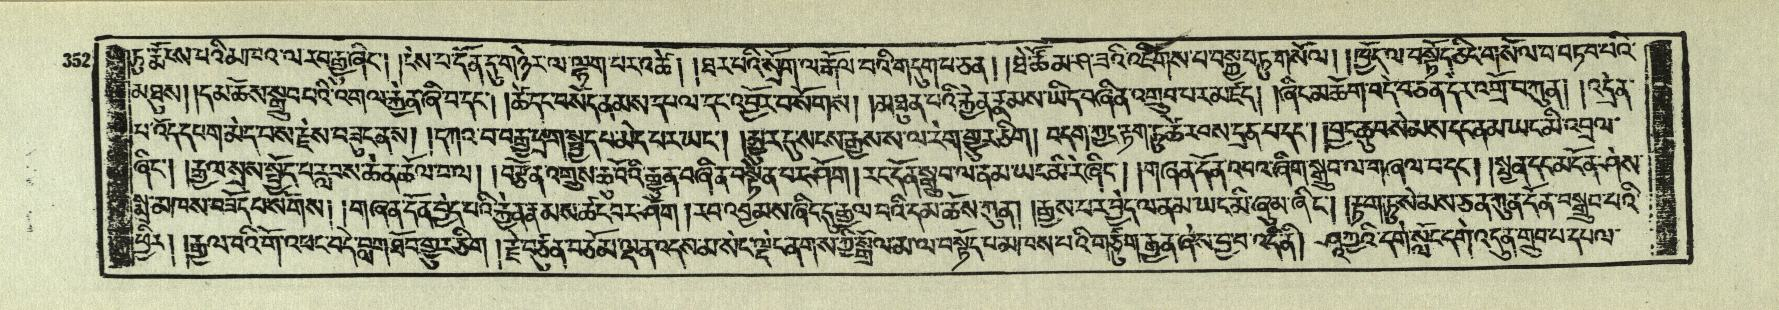ཏུ་རྨོངས་པའི་མཁའ་ལ་རབ་རྒྱུ་ཞིང་། །ངེས་པ་དོན་དུ་གཉེར་ལ་ལྷག་པར་འཚེ། །ཐར་པའི་སྲོག་ལ་རྒོལ་བའི་གདུག་པ་ཅན། །ཐེ་ཚོམ་ཤ་ཟའི་འཇིགས་པ་བསྐྱབ་ཏུ་གསོལ། །ཁྱོད་ལ་བསྟོད་ཅིང་གསོལ་བ་བཏབ་པའི་
མཐུས། །དམ་ཆོས་སྒྲུབ་པའི་འགལ་རྐྱེན་ཞི་བ་དང་། །ཚེ་དང་བསོད་ནམས་དཔལ་དང་འབྱོར་བ་སོགས། །མཐུན་པའི་རྐྱེན་རྣམས་ཡིད་བཞིན་འགྲུབ་པར་མཛད། །ཞིང་མཆོག་བདེ་བ་ཅན་དེར་འགྲོ་བ་ཀུན། །འདྲེན་
པ་འོད་དཔག་མེད་པས་རྗེས་བཟུང་ནས། །དཀའ་བ་བརྒྱ་ཕྲག་སྤྱད་པ་མེད་པར་ཡང་། །མྱུར་དུ་སངས་རྒྱས་ས་ལ་རེག་གྱུར་ཅིག །བདག་ཀྱང་རྟག་ཏུ་ཚེ་རབས་དྲན་པ་དང་། །བྱང་ཆུབ་སེམས་དང་ནམ་ཡང་མི་འབྲལ་
ཞིང་། །རྒྱལ་སྲས་སྤྱོད་པ་རླབས་ཆེན་ཆོལ་བ་ལ། །བརྩོན་འགྲུས་ཆུ་འོའི་རྒྱུན་བཞིན་བསྟེན་པར་ཤོག །རང་དོན་སྒྲུབ་ལ་ནམ་ཡང་མི་རེ་ཞིང་། །གཞན་དོན་འབའ་ཞིག་སྒྲུབ་ལ་གཞལ་བ་དང་། །སྤྱན་དང་མངོན་ཤེས་
སྨྲ་མཁས་བཟོད་པ་སོགས། །གཞན་དོན་བྱེད་པའི་རྐྱེན་རྣམས་ཚང་བར་ཤོག །རབ་འབྱམས་ཞིང་དུ་རྒྱལ་བའི་དམ་ཆོས་ཀུན། །རྒྱས་པར་བྱེད་ལ་ནམ་ཡང་མི་ཞུམ་ཞིང་། །རྟག་ཏུ་སེམས་ཅན་ཀུན་དོན་བསྒྲུབ་པའི་
ཕྱིར། །རྒྱལ་བའི་གོ་འཕང་བདེ་བླག་ཐོབ་གྱུར་ཅིག །རྗེ་བཙུན་བཅོམ་ལྡན་འདས་མ་སེང་ལྡེང་ནགས་ཀྱི་སྒྲོལ་མ་ལ་བསྟོད་པ་མཁས་པའི་གཙུག་རྒྱན་ཞེས་བྱ་བ་འདི་ནི། ཤཱཀྱའི་དགེ་སློང་དགེ་འདུན་གྲུབ་པ་དཔལ་